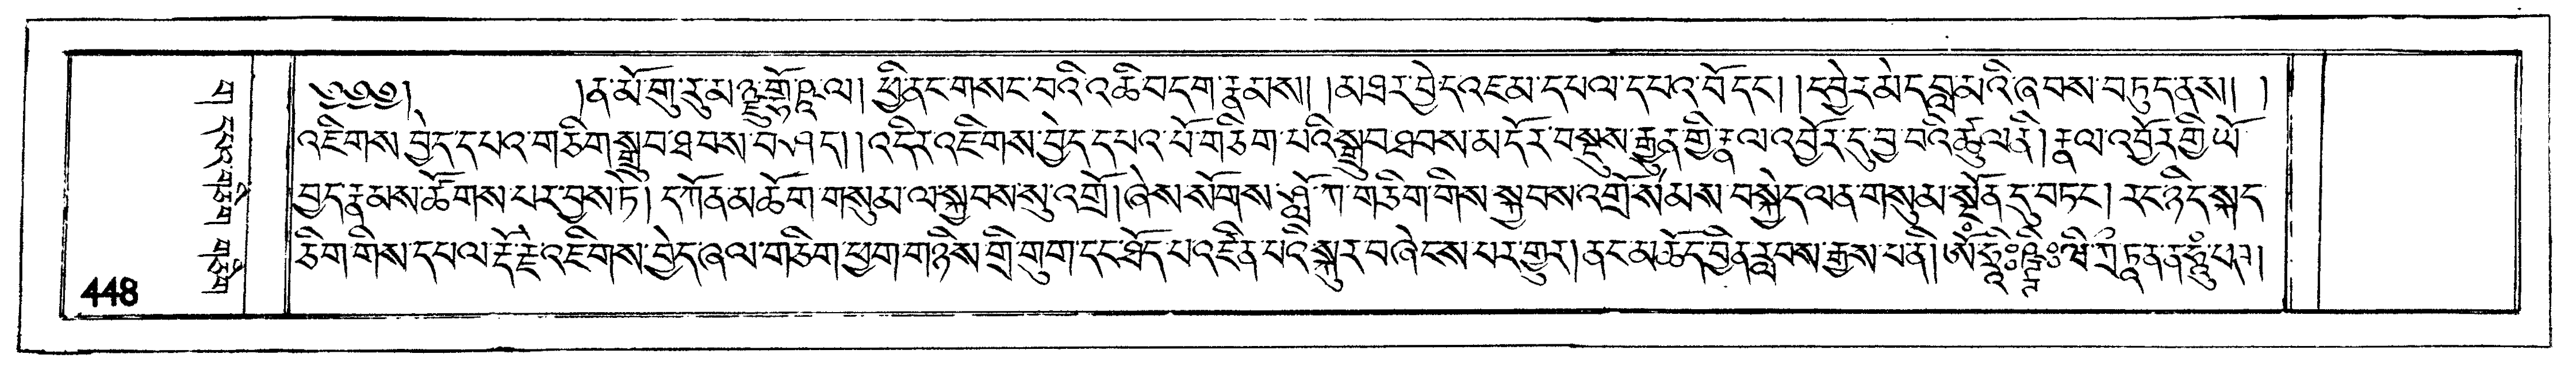༄༅༅། །ན་མོ་གུ་རུ་མཉྫུ་གྷོ་ཥཱ་ལ། ཕྱི་ནང་གསང་བའི་འཆི་བདག་རྣམས། །མཐར་བྱེད་འཇམ་དཔལ་དཔའ་བོ་དང་། །དབྱེར་མེད་བླ་མའི་ཞབས་བཏུད་ནས། །
འཇིགས་བྱེད་དཔའ་གཅིག་སྒྲུབ་ཐབས་བཤད། །འདིར་འཇིགས་བྱེད་དཔའ་བོ་གཅིག་པའི་སྒྲུབ་ཐབས་མདོར་བསྡུས་རྒྱུན་གྱི་རྣལ་འབྱོར་དུ་བྱ་བའི་ཚུལ་ནི། རྣལ་འབྱོར་གྱི་ཡོ་
བྱད་རྣམས་ཚོགས་པར་བྱས་ཏེ། དཀོན་མཆོག་གསུམ་ལ་སྐྱབས་སུ་འགྲོ། ཞེས་སོགས་ཤློ་ཀ་གཅིག་གིས་སྐྱབས་འགྲོ་སེམས་བསྐྱེད་ལན་གསུམ་སྔོན་དུ་བཏང་། རང་ཉིད་སྐད་
ཅིག་གིས་དཔལ་རྡོ་རྗེ་འཇིགས་བྱེད་ཞལ་གཅིག་ཕྱག་གཉིས་གྲི་གུག་དང་ཐོད་པ་འཛིན་པའི་སྐུར་བཞེངས་པར་གྱུར། ནང་མཆོད་བྱིན་རླབས་རྒྱས་པ་ནི། ཨོཾ་ཧྲཱིཿ ཥྚྚིཿ ཝི་ཀྲྀ་ཏཱ་ན་ན་ཧཱུཾ་ཕཊ།